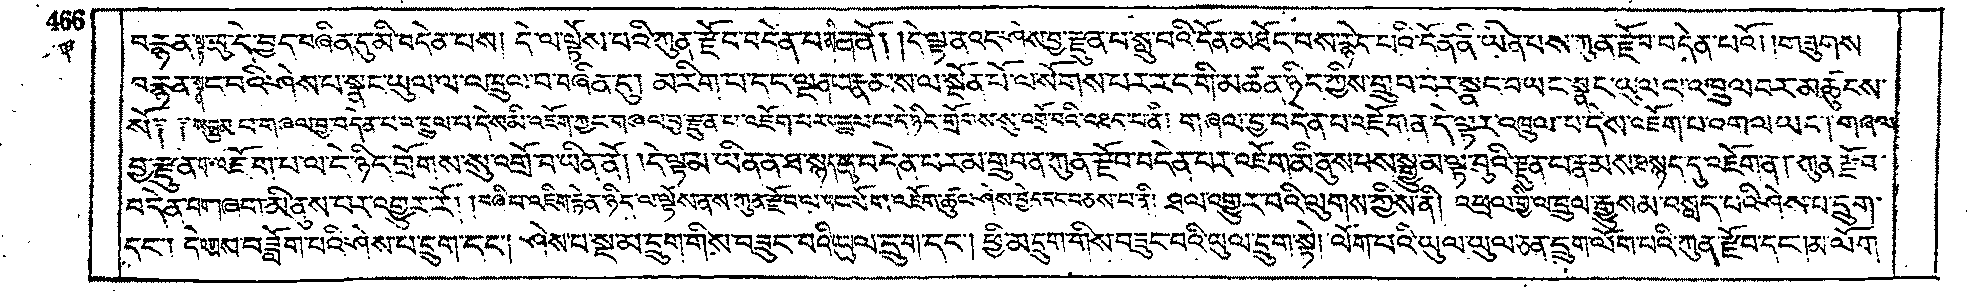བརྙན་ལྟ་བུ་དེ་བྱད་བཞིན་དུ་མི་བདེན་པས། དེ་ལ་ལྟོས་པའི་ཀུན་རྫོབ་བདེན་པ་མིན་ནོ། །དེ་ལྟ་ནའང་ཤེས་བྱ་རྫུན་པ་སླུ་བའི་དོན་མཐོང་བས་རྙེད་པའི་དོན་ནི་ཡིན་པས་ཀུན་རྫོབ་བདེན་པའོ། །གཟུགས་
བརྙན་སྣང་བའི་ཤེས་པ་སྣང་ཡུལ་ལ་འཁྲུལ་བ་བཞིན་དུ། མ་རིག་པ་དང་ལྡན་པ་རྣམས་ལ་སྔོན་པོ་ལ་སོགས་པར་རང་གི་མཚན་ཉིད་ཀྱིས་གྲུབ་པར་སྣང་བ་ཡང་སྣང་ཡུལ་ལ་འཁྲུལ་བར་མཚུངས་
སོ༑ ༑གསུམ་པ་གཞལ་བྱ་བདེན་པ་འཁྲུལ་པ་དེས་མི་འཇོག་ཀྱང་གཞལ་བྱ་རྫུན་པ་འཇོག་པར་འཁྲུལ་པ་དེ་ཉིད་གྲོགས་སུ་འགྲོ་བའི་འཐད་པ་ནི།  གཞལ་བྱ་བདེན་པ་འཇོག་ན་དེ་ལྟར་འཁྲུལ་པ་དེས་འཇོག་པ་འགལ་ཡང་། གཞལ་
བྱ་རྫུན་པ་འཇོག་པ་ལ་དེ་ཉིད་གྲོགས་སུ་འགྲོ་བ་ཡིན་ནོ། །དེ་ལྟ་མ་ཡིན་ན་ཐ་སྙད་དུ་བདེན་པར་མ་གྲུབ་ན་ཀུན་རྫོབ་བདེན་པར་འཇོག་མི་ནུས་པས་སྒྱུ་མ་ལྟ་བུའི་རྫུན་པ་རྣམས་ཐ་སྙད་དུ་འཇོག་ན། ཀུན་རྫོབ་
བདེན་པ་གཞག་མི་ནུས་པར་འགྱུར་རོ། །བཞི་པ་འཇིག་རྟེན་ཉིད་ལ་ལྟོས་ནས་ཀུན་རྫོབ་ལ་ཡང་ལོག་འཇོག་ཚུལ་ཤེས་བྱེད་དང་བཅས་པ་ནི།  ཐལ་འགྱུར་བའི་ལུགས་ཀྱིས་ནི། འཕྲལ་གྱི་འཁྲུལ་རྒྱུས་མ་བསླད་པའི་ཤེས་པ་དྲུག་
དང་། དེ་ལས་བཟློག་པའི་ཤེས་པ་དྲུག་དང་། ཤེས་པ་སྔ་མ་དྲུག་གིས་བཟུང་བའི་ཡུལ་དྲུག་དང་། ཕྱི་མ་དྲུག་གིས་བཟུང་བའི་ཡུལ་དྲུག་སྟེ། ལོག་པའི་ཡུལ་ཡུལ་ཅན་དྲུག་ལོག་པའི་ཀུན་རྫོབ་དང་། མ་ལོག་